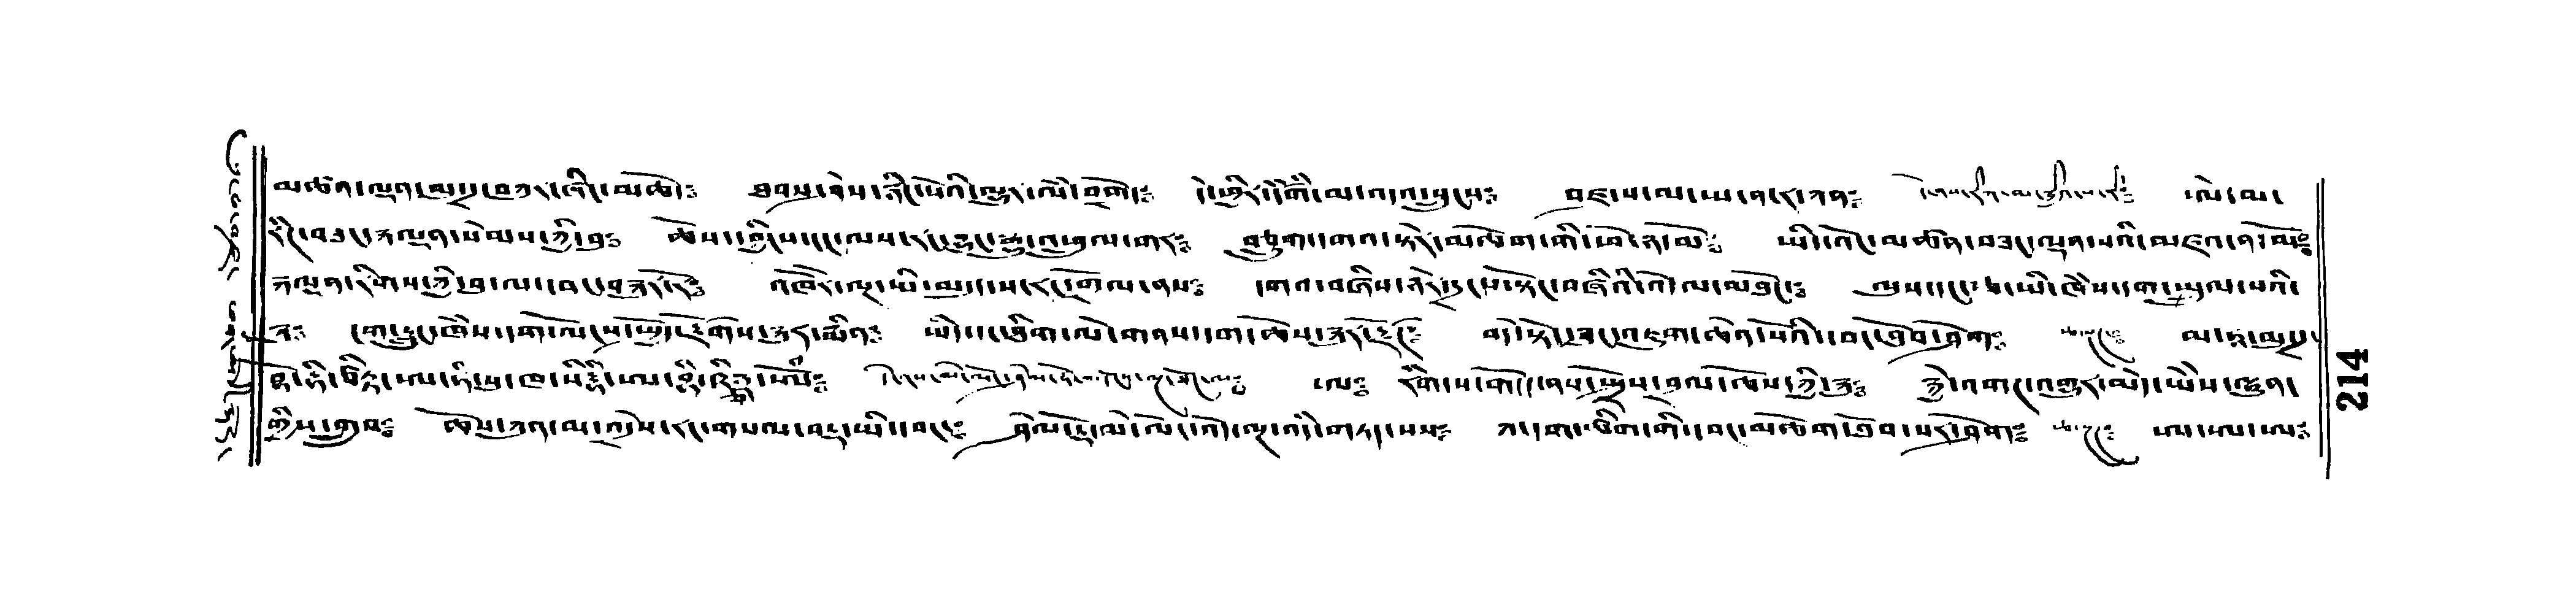མཚན་ལྡན་མུ་དྲ་བཀུར་ཞིང་མཆོད༔ ཐབས་ཤེས་སྙིང་པོའི་མྱུར་ལམ་བགྲོད༔ དེ་ཕྱིར་དམ་ཚིག་མ་འདའ་སྲུངས༔ བཛྲ་ས་མ་ཡ་ན་ར་ཀན༔ དེ་ནས་རིག་མ་སྦྱིན་པ་ནི༔ ཨེ་མ༔ 
རིགས་བཟང་སྐལ་ལྡན་སེམས་ཀྱི་བུ༔ ཆོས་དབྱིངས་ངང་ལས་རང་བྱུང་སྒྱུ་འཕྲུལ་གར༔ བཅུ་དྲུག་དགའ་སྟེར་མཆོག་གི་ཕོ་ཉ་མོ༔ ཡིད་འོང་མཚན་བཟང་ལྡན་པའི་མཛའ་ན་མོ༔ 
སྐལ་ལྡན་རིགས་ཀྱི་བུ་ལ་དབང་བསྐུར་རོ༔ འཁོར་ལོ་ལྔ་ཡི་མདུད་པ་རང་གྲོལ་ནས༔ དགའ་བཞིས་ཉེར་དྲངས་སྟོང་བཞིའི་འོད་གསལ་མཐོང༔ ལུས་དང་རྩ་ཡི་ཁམས་དག་སྤྲུལ་པའི་
སྐུ༔ ངག་རླུང་ཁམས་དག་ལོངས་སྤྱོད་རྫོགས་སྐུར་སྨིན༔ ཡིད་དང་ཐིག་ལེ་གནས་དག་ཆོས་སྐུར་རྫོགས༔ བདེ་སྟོང་ཟུང་འཇུག་ཆེན་པོའི་དབང་ཐོབ་ཤོག༔རྩ་སྔགས༔ མ་ཧཱ་མུ་དྲ་
བྷོ་དྷི་ཙིཏྟ་ཨ་ཧཾ་སུ་ཁ་སིདྡྷི་ཨ་བྷི་རིཉྩ་ཨོཾ༔ དེ་ནས་མེ་ལོང་ཤེལ་རྡོ་མདོངས་ལྔ་ཐོགས་ལ༔ ཨཱཿ རིག་པ་གདོད་ནས་སྤྲོས་བྲལ་ཆོས་ཀྱི་སྐུ༔ སྐྱེ་འགགས་འགྱུར་མེད་ཡེ་ཤེས་ལྷུན་
གྱིས་གྲུབ༔ ཆོས་ཀུན་མ་འདྲེས་རང་གསལ་བརྡ་ཡི་དབང༔ ཤེལ་རྡོ་མེ་ལོང་འོད་ལྔ་འདི་གཏད་པས༔ ཀ་དག་ཚིག་གི་དབང་མཆོག་ཐོབ་པར་ཤོག༔ རྩ་སྔགས༔ ཨ་ཨ་ཨཱཿ